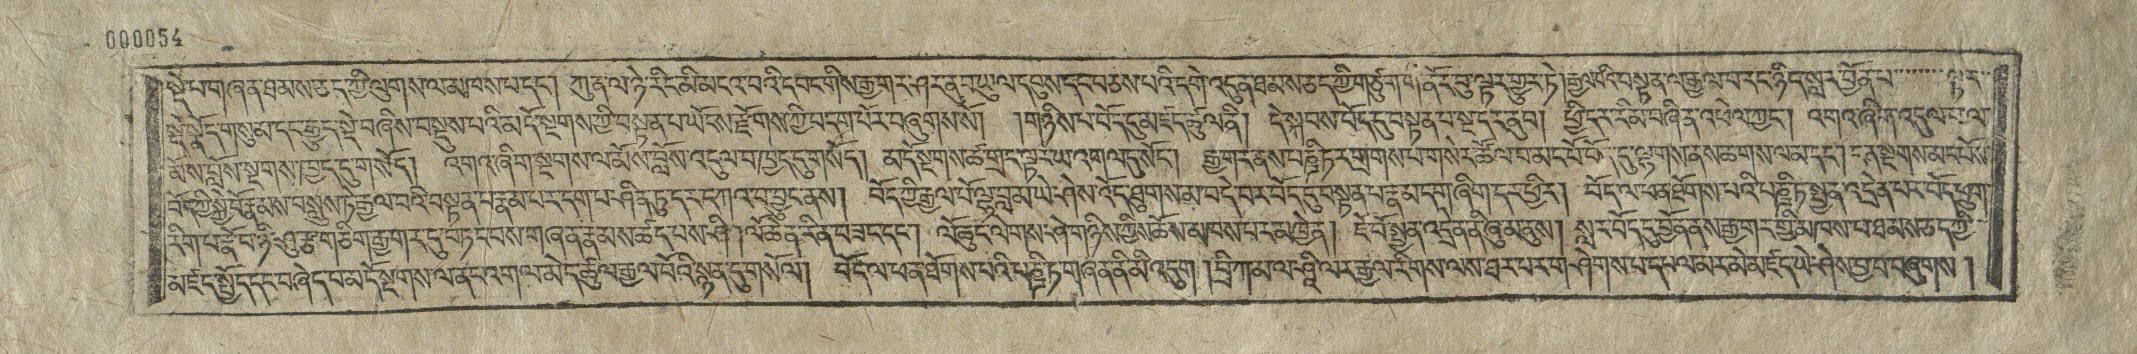སྡེ་པ་གཞན་ཐམས་ཅད་ཀྱི་ལུགས་ལ་མཁས་པ་དང་། ཀུན་ལ་ཉེ་རིང་མི་མངའ་བའི་དབང་གིས་རྒྱ་གར་ཤར་ནུབ་ཡུལ་དབུས་དང་བཅས་པའི་དགེ་འདུན་ཐམས་ཅད་ཀྱི་གཙུག་གི་ནོར་བུ་ལྟར་གྱུར་ཏེ། རྒྱལ་བའི་བསྟན་ལ་རྒྱལ་བ་རང་ཉིད་སླར་བྱོན་པ་ལྟར་
སྡེ་སྣོད་གསུམ་དང་རྒྱུད་སྡེ་བཞིས་བསྡུས་པའི་མདོ་སྔགས་ཀྱི་བསྟན་པ་ཡོངས་རྫོགས་ཀྱི་བདག་པོར་བཞུགས་སོ། །གཉིས་པ་བོད་དུ་མཛད་ཚུལ་ནི། དེ་སྐབས་བོད་དུ་བསྟན་པ་སྔ་དར་ནུབ། ཕྱི་དར་རིམ་བཞིན་འཕེལ་ཀྱང་། འགའ་ཞིག་འདུལ་བ་ལ་
མོས་བློས་སྔགས་ཁྱད་དུ་གསོད། འགའ་ཞིག་སྔགས་ལ་མོས་བློས་འདུལ་བ་ཁྱད་དུ་གསོད། མདོ་སྔགས་ཚ་གྲང་ལྟར་ཡ་འགལ་དུ་སོང་། རྒྱ་གར་ནས་པཎྜི་ཏར་གྲགས་པ་གསེར་ཚོལ་བ་མང་པོ་བོད་དུ་ལྷགས་ནས་ཆགས་ལམ་དང་། ངན་སྔགས་མང་པོས་
བོད་ཀྱི་སྐྱེ་བོ་རྣམས་བསླུས་ཏེ་རྒྱལ་བའི་བསྟན་པ་རྣམ་པར་དག་པ་ཤིན་ཏུ་དར་དཀའ་བ་བྱུང་ནས། བོད་ཀྱི་རྒྱལ་པོ་ལྷ་བླ་མ་ཡེ་ཤེས་འོད་ཐུགས་མ་བདེ་བར་བོད་དུ་བསྟན་པ་རྣམ་དག་ཞིག་དར་ཕྱིར། བོད་ལ་ཕན་ཐོགས་པའི་པཎྜི་ཏ་སྤྱན་འདྲེན་པར་བོད་ཕྲུག་
རིག་པ་རྣོ་བ་ཉི་ཤུ་རྩ་གཅིག་རྒྱ་གར་དུ་བཏང་བས་གཞན་རྣམས་ཚད་པས་ཤི་།ལོ་ཆེན་རིན་བཟང་དང་། ལོ་ཆུང་ལེགས་ཤེ་གཉིས་ཀྱིས་ཆོས་མཁས་པར་མཁྱེན། ཇོ་བོ་སྤྱན་འདྲེན་ནི་ཞུ་མ་ནུས། སླར་བོད་དུ་བྱོན་ནས་རྒྱ་གར་གྱི་མཁས་པ་ཐམས་ཅད་ཀྱི་
མཛད་སྤྱོད་དང་བཞེད་པ་མདོ་སྔགས་ལ་ནང་འགལ་མེད་ཚུལ་རྒྱལ་པོའི་སྙན་དུ་གསོལ། བོད་ལ་ཕན་ཐོགས་པའི་པཎྜི་ཏ་གཞན་ནི་མི་འདུག །བྲི་ཀ་མ་ལ་ཤཱི་ལར་རྒྱལ་རིགས་ལས་ཐར་པར་གཤེགས་པ་དཔལ་མར་མེ་མཛད་ཡེ་ཤེས་བྱ་བ་བཞུགས་།